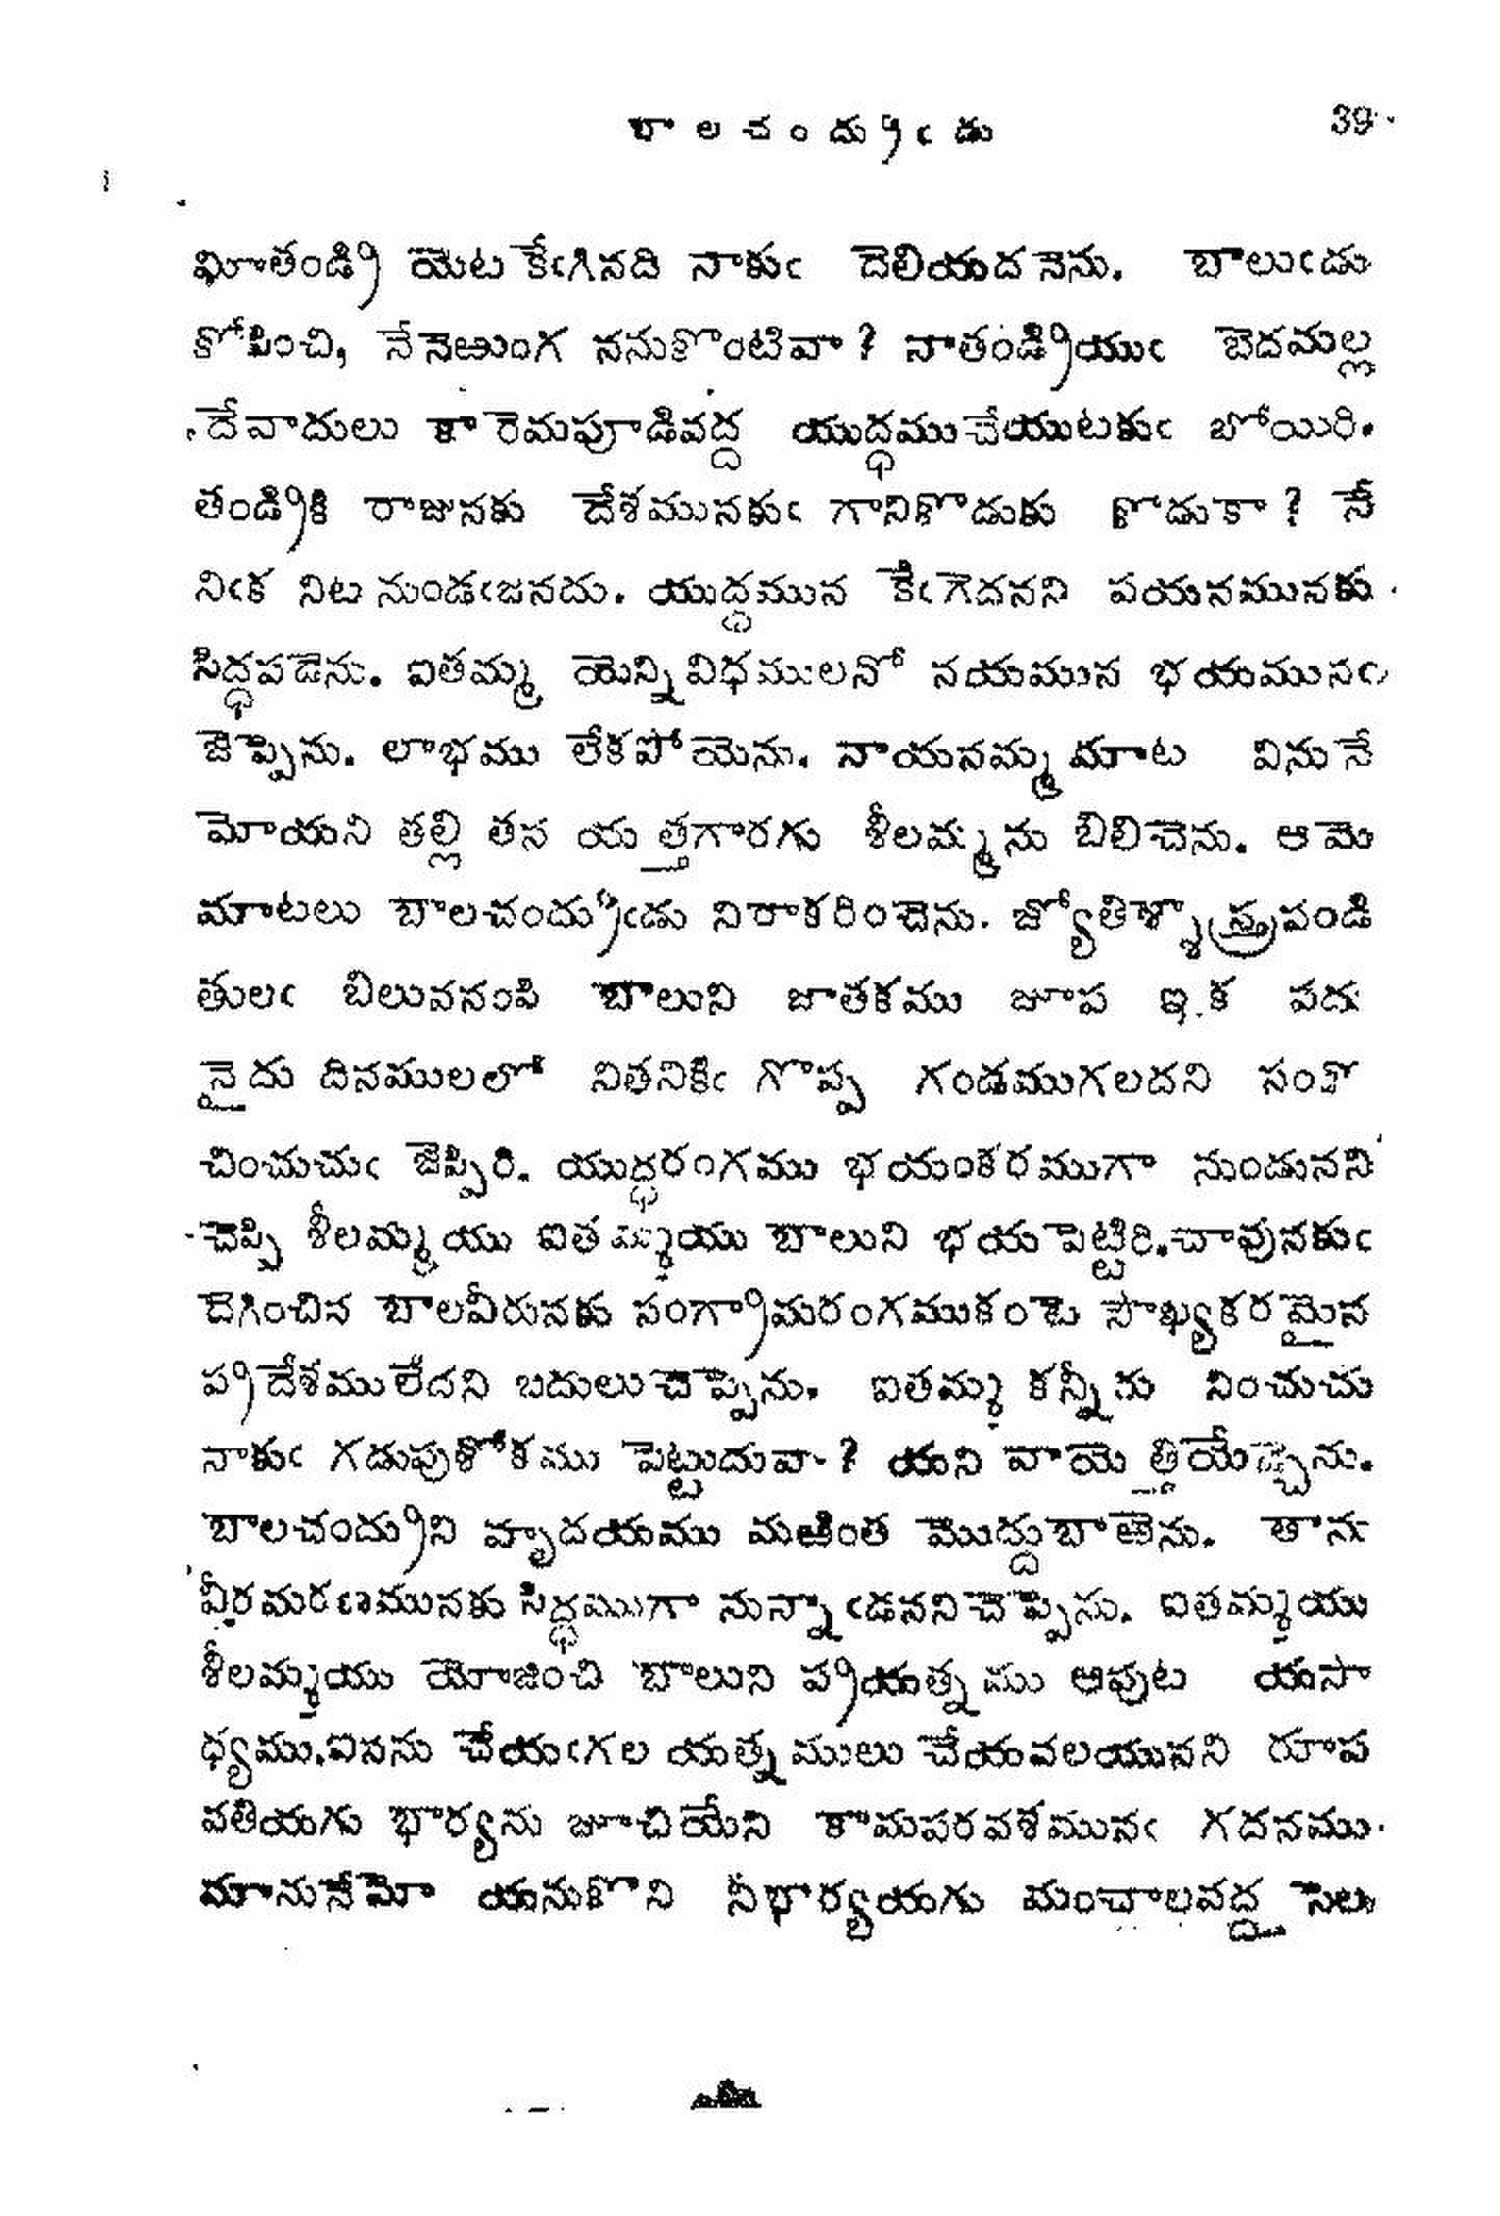మీతండ్రి యెటకేగినది నాకు దెలియదనెను. బాలుడు కోపించి, నేనెఱుంగ ననుకొంటివా? నాతండ్రియు బెదమల్ల దేవాదులు కారెమపూడివద్ద యుద్ధముచేయుటకు బోయిరి. తండ్రికి రాజునకు దేశమునకు గానికొడుకు కొడుకా? నే నిక నిట నుండజనదు. యుద్ధమున కేగెదనని పయనమునకు సిద్ధపడెను. ఐతమ్మ యెన్నివిధములనో నయమున భయమునం జెప్పెను. లాభము లేకపోయెను. నాయనమ్మ మాట వినునేమో యని తల్లి తన యత్తగారగు శీలమ్మను బిలిచెను. ఆమె మాటలు బాలచంద్రుడు నిరాకరించెను. జ్యోతిశ్శాస్త్రపండితుల బిలువనంపి బాలుని జాతకము జూప ఇక పదునైదు దినములలో నితనికి గొప్ప గండగలదని సంకోచించుచు జెప్పిరి. యుద్ధరంగము భయంకరముగా నుండునని చెప్పి శీలమ్మయు ఐతమ్మయు బాలుని భయపెట్టిరి. చావునకు దెగించిన బాలవీరునకు సంగ్రామరంగముకంటె సౌఖ్యకరమైన ప్రదేశములేదని బదులుచెప్పెను. ఐతమ్మ కన్నీరు నించుచు నాకు గడుపుశోకము పెట్టుదువా? యని వాయెత్తియేడ్చెను. బాలచంద్రుని హృదయము మఱింత మొద్దుబాఱెను. తాను వీర మరణమునకు సిద్ధముగా నున్నాడననిచెప్పెను. ఐతమ్మయు శీలమ్మయు యోజించి బాలుని ప్రయత్నము ఆపుట యసాధ్యము. ఐనను చేయగల యత్నములు చేయవలయునని రూపవతియగు భార్యను జూచియేని కామపరవశమున గదనము మానునేమో యనుకొని నీభార్యయగు మంచాలవద్ద సెల